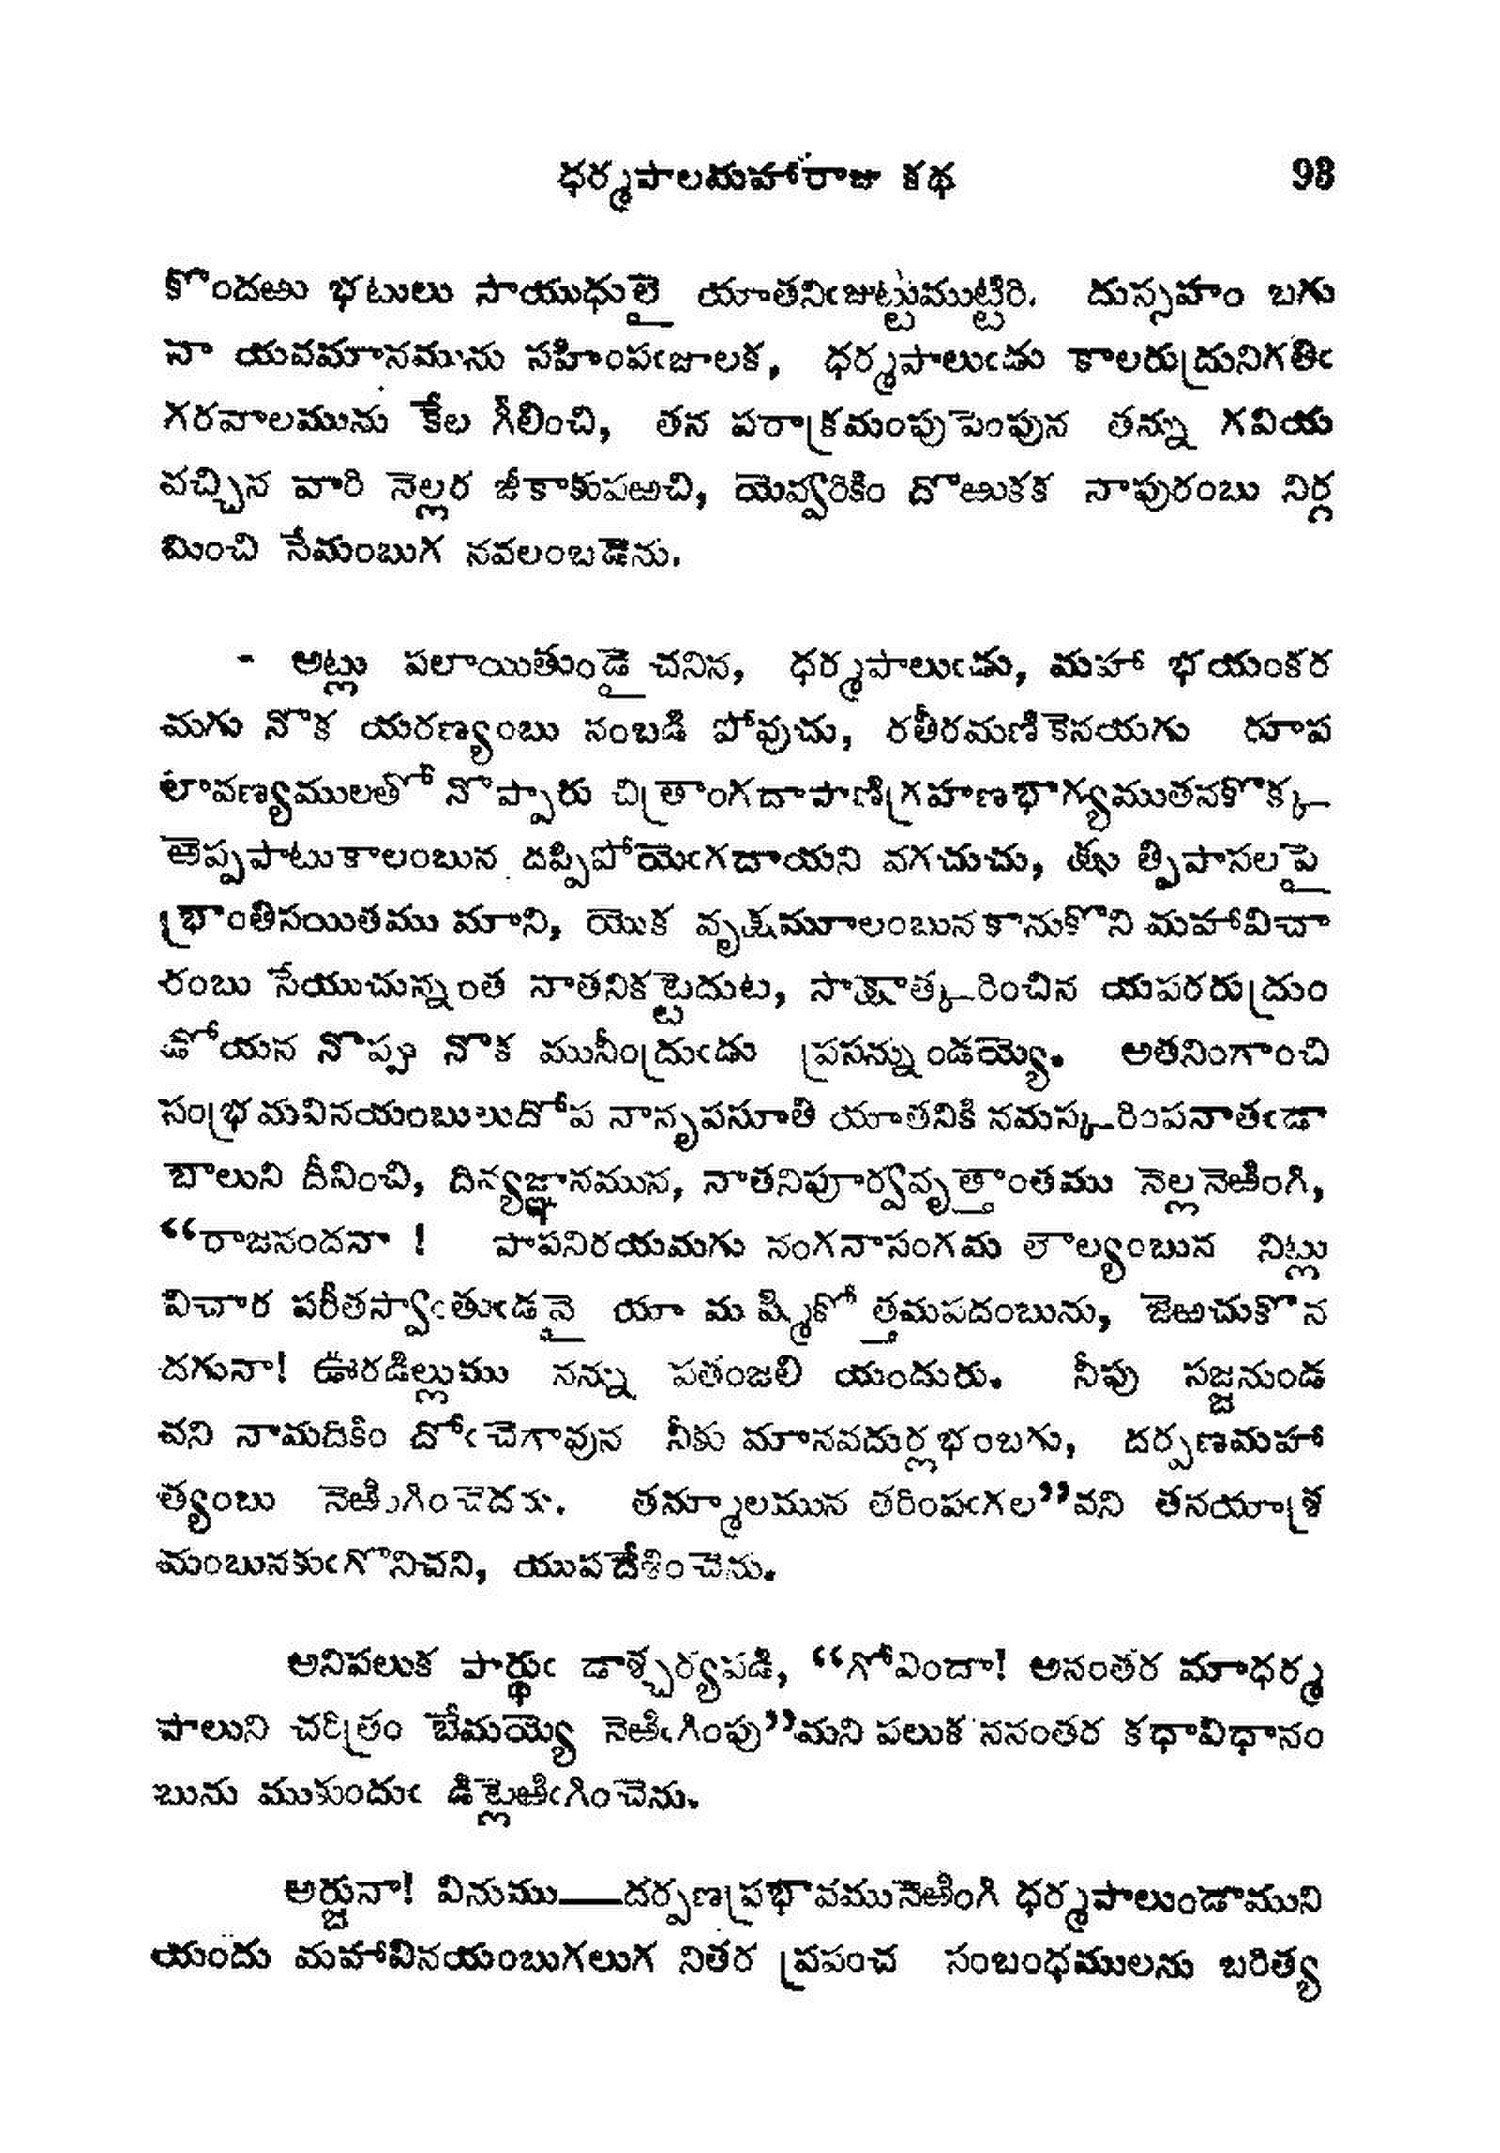కొందఱు భటులు సాయుధులై యాతనిఁ జుట్టుముట్టిరి. దుస్సహం బగు నా యవమానమును సహింపఁజాలక, ధర్మపాలుఁడు కాలరుద్రునిగతిఁ గరవాలమును కేల గీలించి, తన పరాక్రమంపు పెంపున తన్ను గవియ వచ్చిన వారి నెల్లర జీకాకుపఱచి, యెవ్వరికిం దొఱుకక నాపురంబు నిర్గమించి నేమంబుగ నవలంబడెను.

అట్లు పలాయితుండై చనిన, ధర్మపాలుఁడు, మహా భయంకర మగు నొక యరణ్యంబు నంబడి పోవుచు, రతీరమణి కెనయగు రూపలావణ్యములతో నొప్పారు చిత్రాంగదాపాణిగ్రహణ భాగ్యముతనకొక్క ఱెప్పపాటు కాలంబున దప్పిపోయేఁ గదాయని వగచుచు, క్షుత్పిపాసలపై భ్రాంతిసయితము మాని, యొక వృక్షమూలంబున కానుకొని మహావిచారంబు సేయుచున్నంత నాతనికట్టెదుట, సాక్షాత్కరించిన యపరరుద్రుం డోయన నొప్పు నొక మునీంద్రుఁడు ప్రసన్నుండయ్యె. అతనింగాంచి సంభ్రమవినయంబులుదోప నానృపసూతి యాతనికి నమస్కరింపనాతఁడా బాలుని దీవించి, దివ్యజ్ఞానమున, నాతని పూర్వవృత్తాంతము నెల్ల నెఱింగి, “రాజనందనా! పాపనిరయమగు నంగనాసంగమ లౌల్యంబున నిట్లు విచార పరీతస్వాంతుఁడనై యా మష్మికోత్తమపదంబును, జెఱుచుకొన దగునా! ఊరడిల్లుము నన్ను పతంజలి యందురు. నీవు సజ్జనుండ వని నామదికిం దోఁచెగావున నీకు మానవదుర్లభంబగు, దర్పణమహాత్యంబు నెఱింగించెదరు. తన్మూలమున తరింపఁగల"వని తనయాశ్రమంబునకుఁగొనిచని, యుపదేశించెను.

అనిపలుక పార్థుఁ డాశ్చర్యపడి, "గోవిందా! అనంతర మాధర్మపాలుని చరిత్రం బేమయ్యె నెఱిఁగింపు"మని పలుక 'ననంతర కధావిధానంబును ముకుందుఁ డిట్లెఱిఁగించెను.

అర్జునా! వినుము—— దర్పణ ప్రభావము నెఱింగి ధర్మపాలుండాముని యందు మహావినయంబు గలుగ నితర ప్రపంచ సంబంధములను బరిత్య